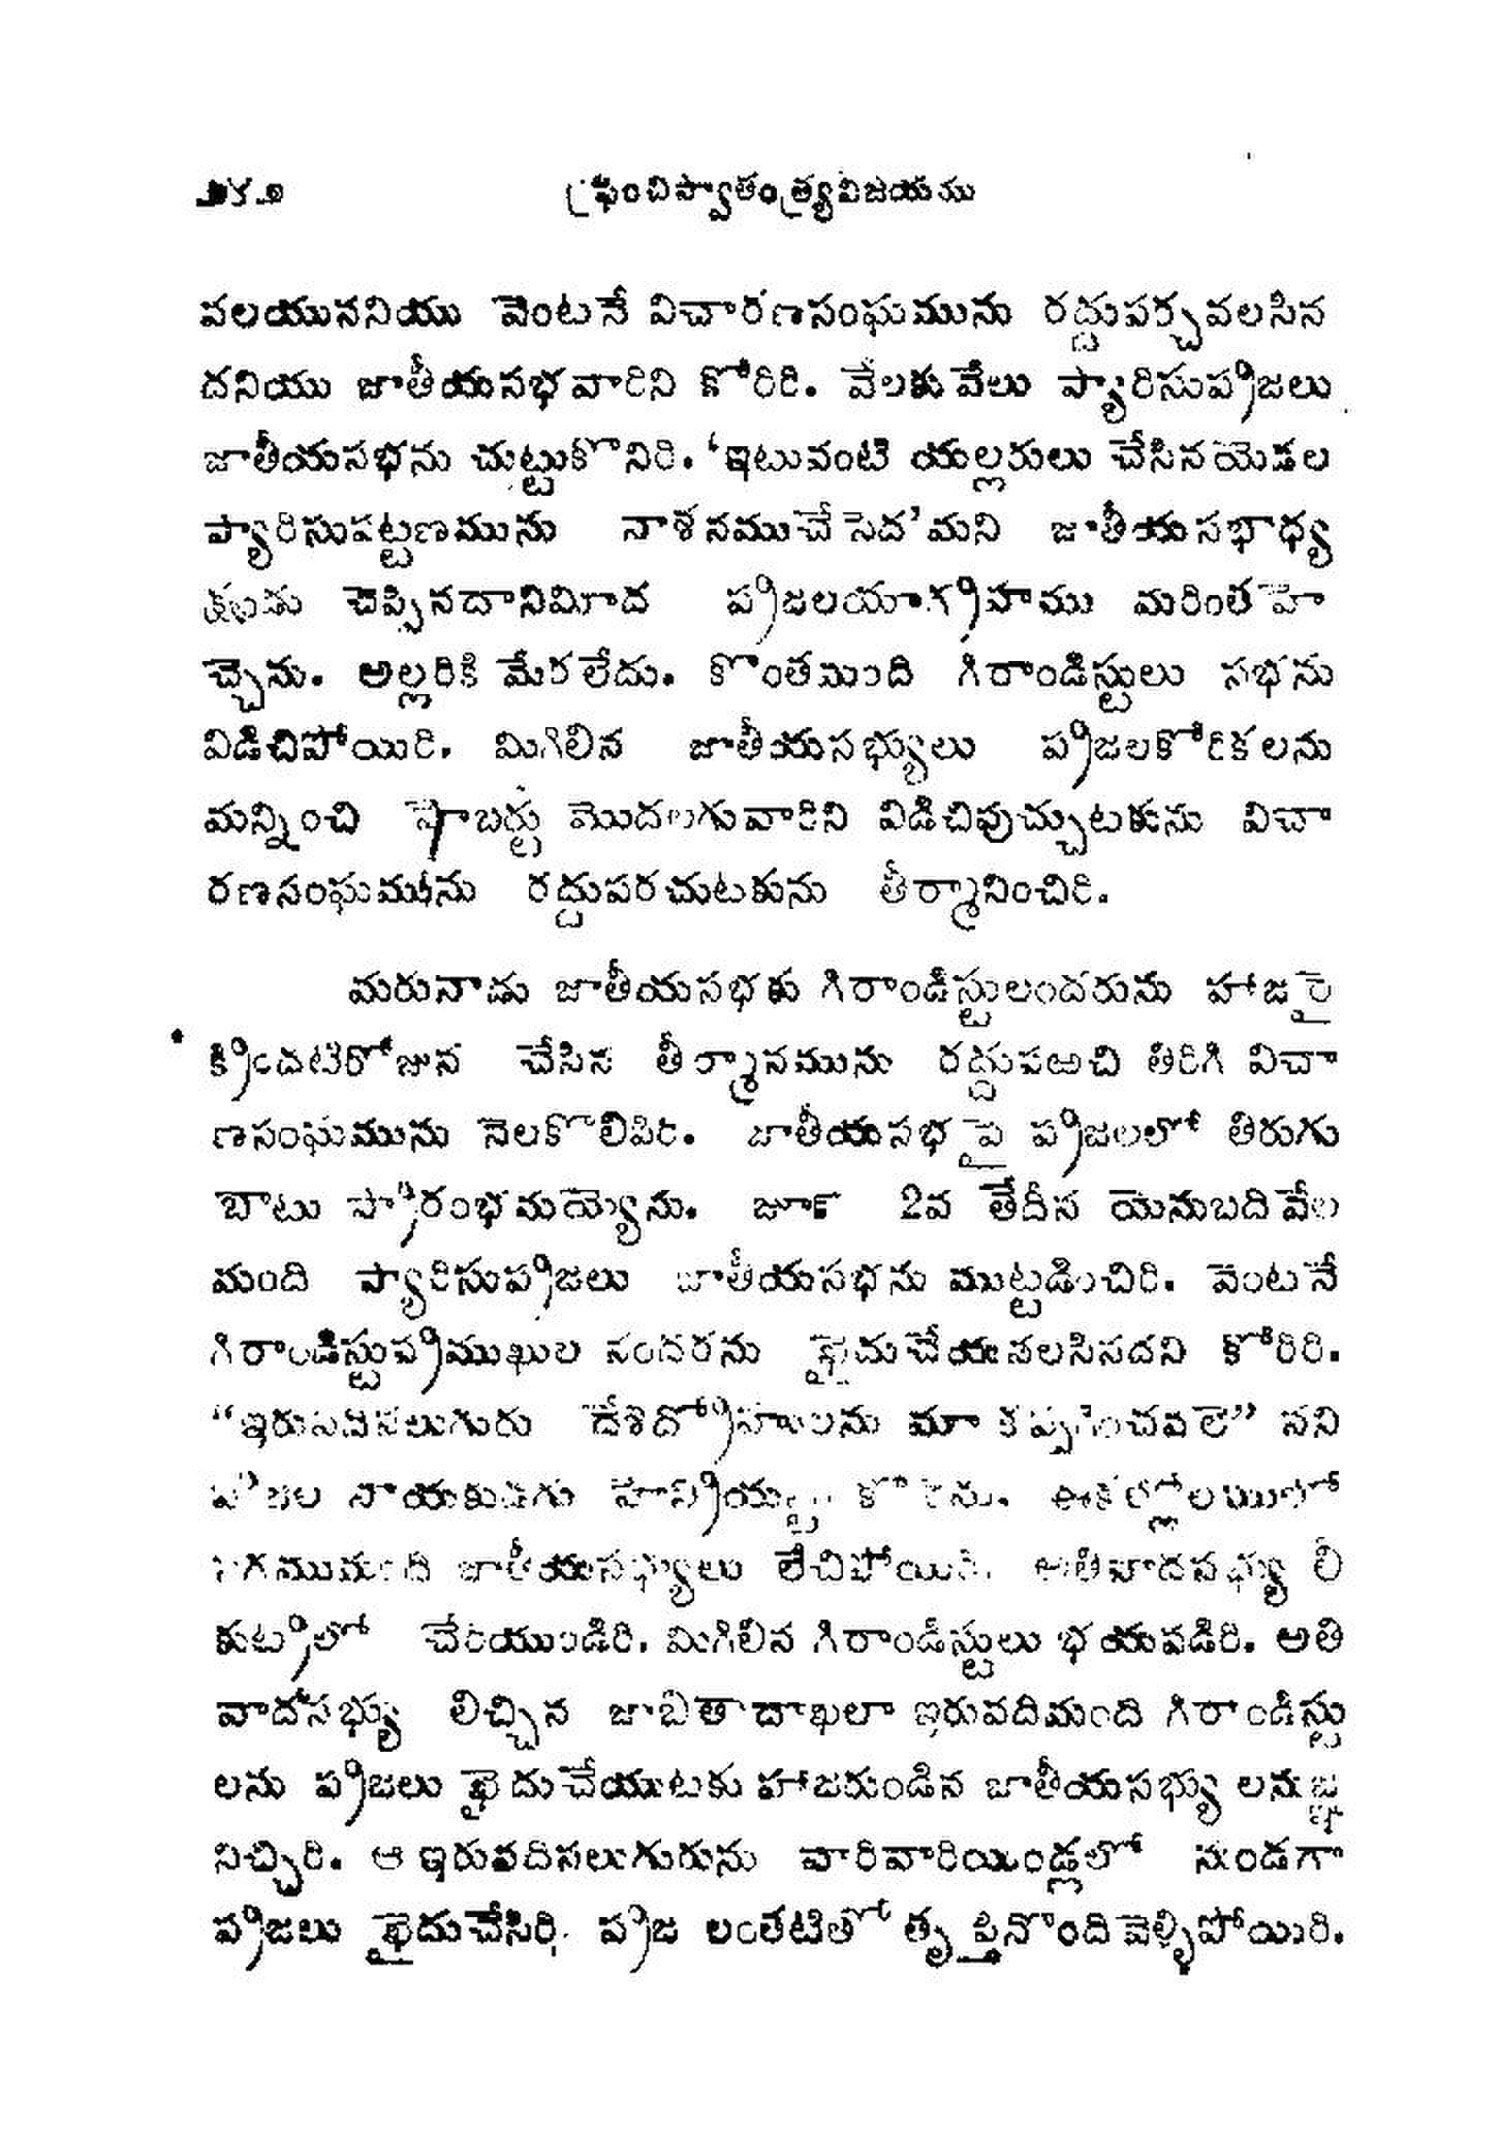వలయుననియు వెంటనే విచారణ సంఘమును రద్దుపర్చవలసిన
దనియు జాతీయసభ వారిని కోరిరి. వేలకు వేలు ప్యారిసుప్రజలు
జాతీయసభను చుట్టుకొనిరి. “ఇటువంటి యల్లరులు చేసినయెడల
ప్యారిసు పట్టణమును నాశనము చేసెదమని జాతీయ సభాధ్య
క్షుడు చెప్పిన దానిమీద ప్రజలయాగ్రహము మరింత హె
చ్చెను. అల్లరికి మేర లేదు. కొంతమంది గిరాండిస్టులు సభను
విడిచిపోయిరి. మిగిలిన జూతీయ సభ్యులు ప్రజల కోరికలను
మన్నించి హెబర్టు మొదలగు వారిని విడిచిపుచ్చుటకును విచా
రణసంఘమును రద్దుపరచుటకును తీర్మానించిరి.

మరునాడు జాతీయసభకు గిరాండిస్టులందరును హాజరై
కిందటిరోజున చేసిన తీర్మానమును రద్దు పఱచి తిరిగి విచా
రణసంఘమును నెలకొలిపిరి. జాతీయ సభ పై ప్ర ప్రజలలో తిరుగు
బాటు ప్రారంభ మయ్యెను. జూన్ 2వ తేదీన యెనుబది వేల
మంది ప్యారిసుప్రజలు జాతీయసభను ముట్టడించిరి. వెంటనే
గిరాండిస్టు ప్రముఖుల సందరను ఖైదు చేయ సలసిసదని కోరిరి.
“ఇరువదు నలుగురు దేశద్రోహులను మా కప్పగించవలె” సని
ప్రజల నాయకుగు హెన్రియట్టు కోరెను, ఈ కల్లోలములో
సగము మంది జాతీయ సభ్యులు లేచిపోయిరి. అతివాదసభ్యులీ
కుట్రలో చేరియుండిరి. మిగిలిన గిరాండిస్టులు భయపడిరి. అతి
వాదసభ్యు లిచ్చిన జాబితా దాఖలా ఇరుపది మంది గిరాండిస్టు
లను ప్రజలు ఖైదు చేయుటకు హాజరుండిన జాతీయ సభ్యులనుగ్న 
నిచ్చిరి. ఆ ఇరువదినలు గురును వారివారి యిండ్లలో సుండగా
ప్రజలు ఖైదు చేసిరి. ప్రజ లంతటితో తృప్తినొంది వెళ్ళిపోయిరి.